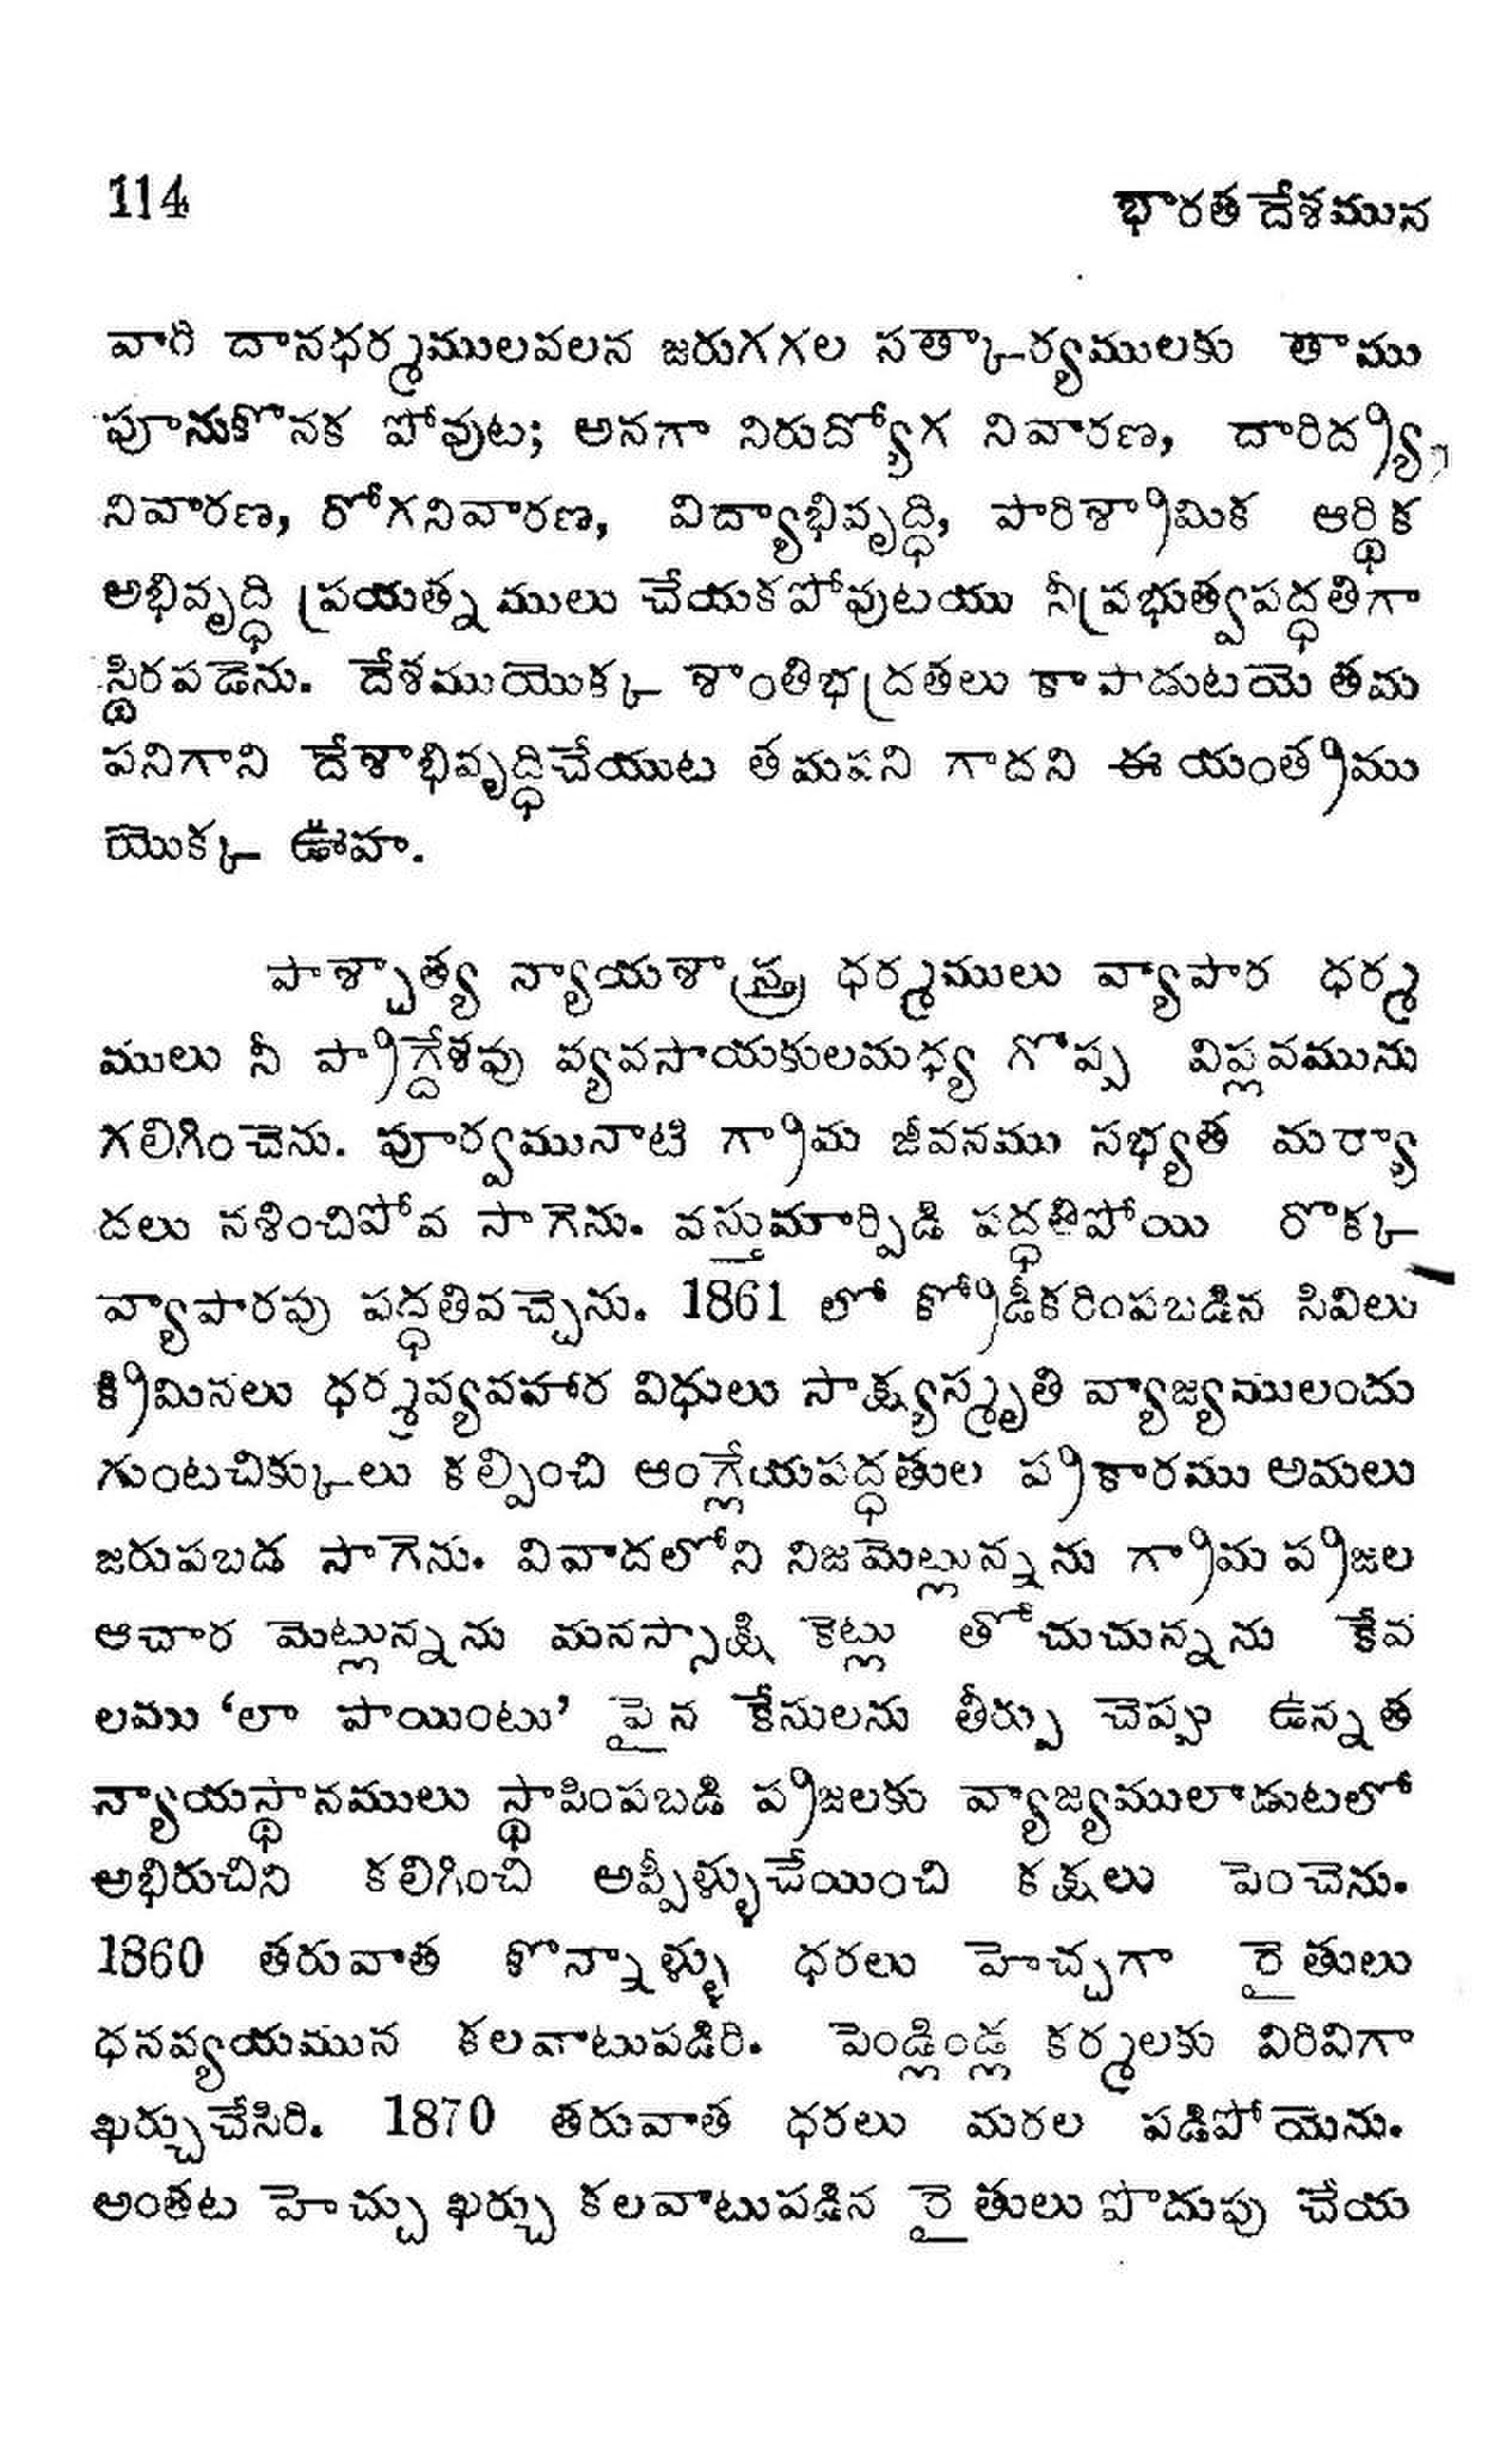వారి దానధర్మములవలన జరుగగల సత్కార్యములకు తాము పూనుకొనక పోవుట; అనగా నిరుద్యోగ నివారణ, దారిద్ర్య నివారణ, రోగనివారణ, విద్యాభివృద్ధి, పారిశ్రామిక ఆర్థిక అభివృద్ధి ప్రయత్నములు చేయకపోవుటయు నీ ప్రభుత్వపద్ధతిగా స్థిరపడెను. దేశముయొక్క శాంతిభద్రతలు కాపాడుటయె తమ పనిగాని దేశాభివృద్ధి చేయుట తమపని గాదని ఈ యంత్రము యొక్క ఊహ.

పాశ్చాత్య న్యాయశాస్త్ర ధర్మములు వ్యాపార ధర్మములు నీ ప్రాగ్దేశవు వ్యవసాయకులమధ్య గొప్ప విప్లవమును గలిగించెను. పూర్వమునాటి గ్రామ జీవనము సభ్యత మర్యాదలు నశించిపోవ సాగెను. వస్తుమార్పిడి పద్ధతిపోయి రొక్క వ్యాపారపు పద్దతివచ్చెను. 1861 లో క్రోడీకరింపబడిన సివిలు - క్రిమినలు ధర్మవ్యవహార విధులు సాక్ష్యస్మృతి వ్యాజ్యములందు గుంటచిక్కులు కల్పించి ఆంగ్లేయపద్ధతుల ప్రకారము అమలు జరుపబడ సాగెను. వివాదలోని నిజమెట్లున్నను గ్రామప్రజల ఆచార మెట్లున్నను మనస్సాక్షి కెట్లు తోచుచున్నను కేవలము 'లా పాయింటు' పైన కేసులను తీర్పు చెప్పు ఉన్నత న్యాయస్థానములు స్థాపింపబడి ప్రజలకు వ్యాజ్యములాడుటలో అభిరుచిని కలిగించి అప్పీళ్ళు చేయించి కక్షలు పెంచెను. 1860 తరువాత కొన్నాళ్ళు ధరలు హెచ్చగా రైతులు ధనవ్యయమున కలవాటుపడిరి. పెండ్లిండ్ల కర్మలకు విరివిగా ఖర్చుచేసిరి. 1870 తరువాత ధరలు మరల పడిపోయెను. అంతట హెచ్చు ఖర్చు కలవాటుపడిన రైతులు పొదుపు చేయ